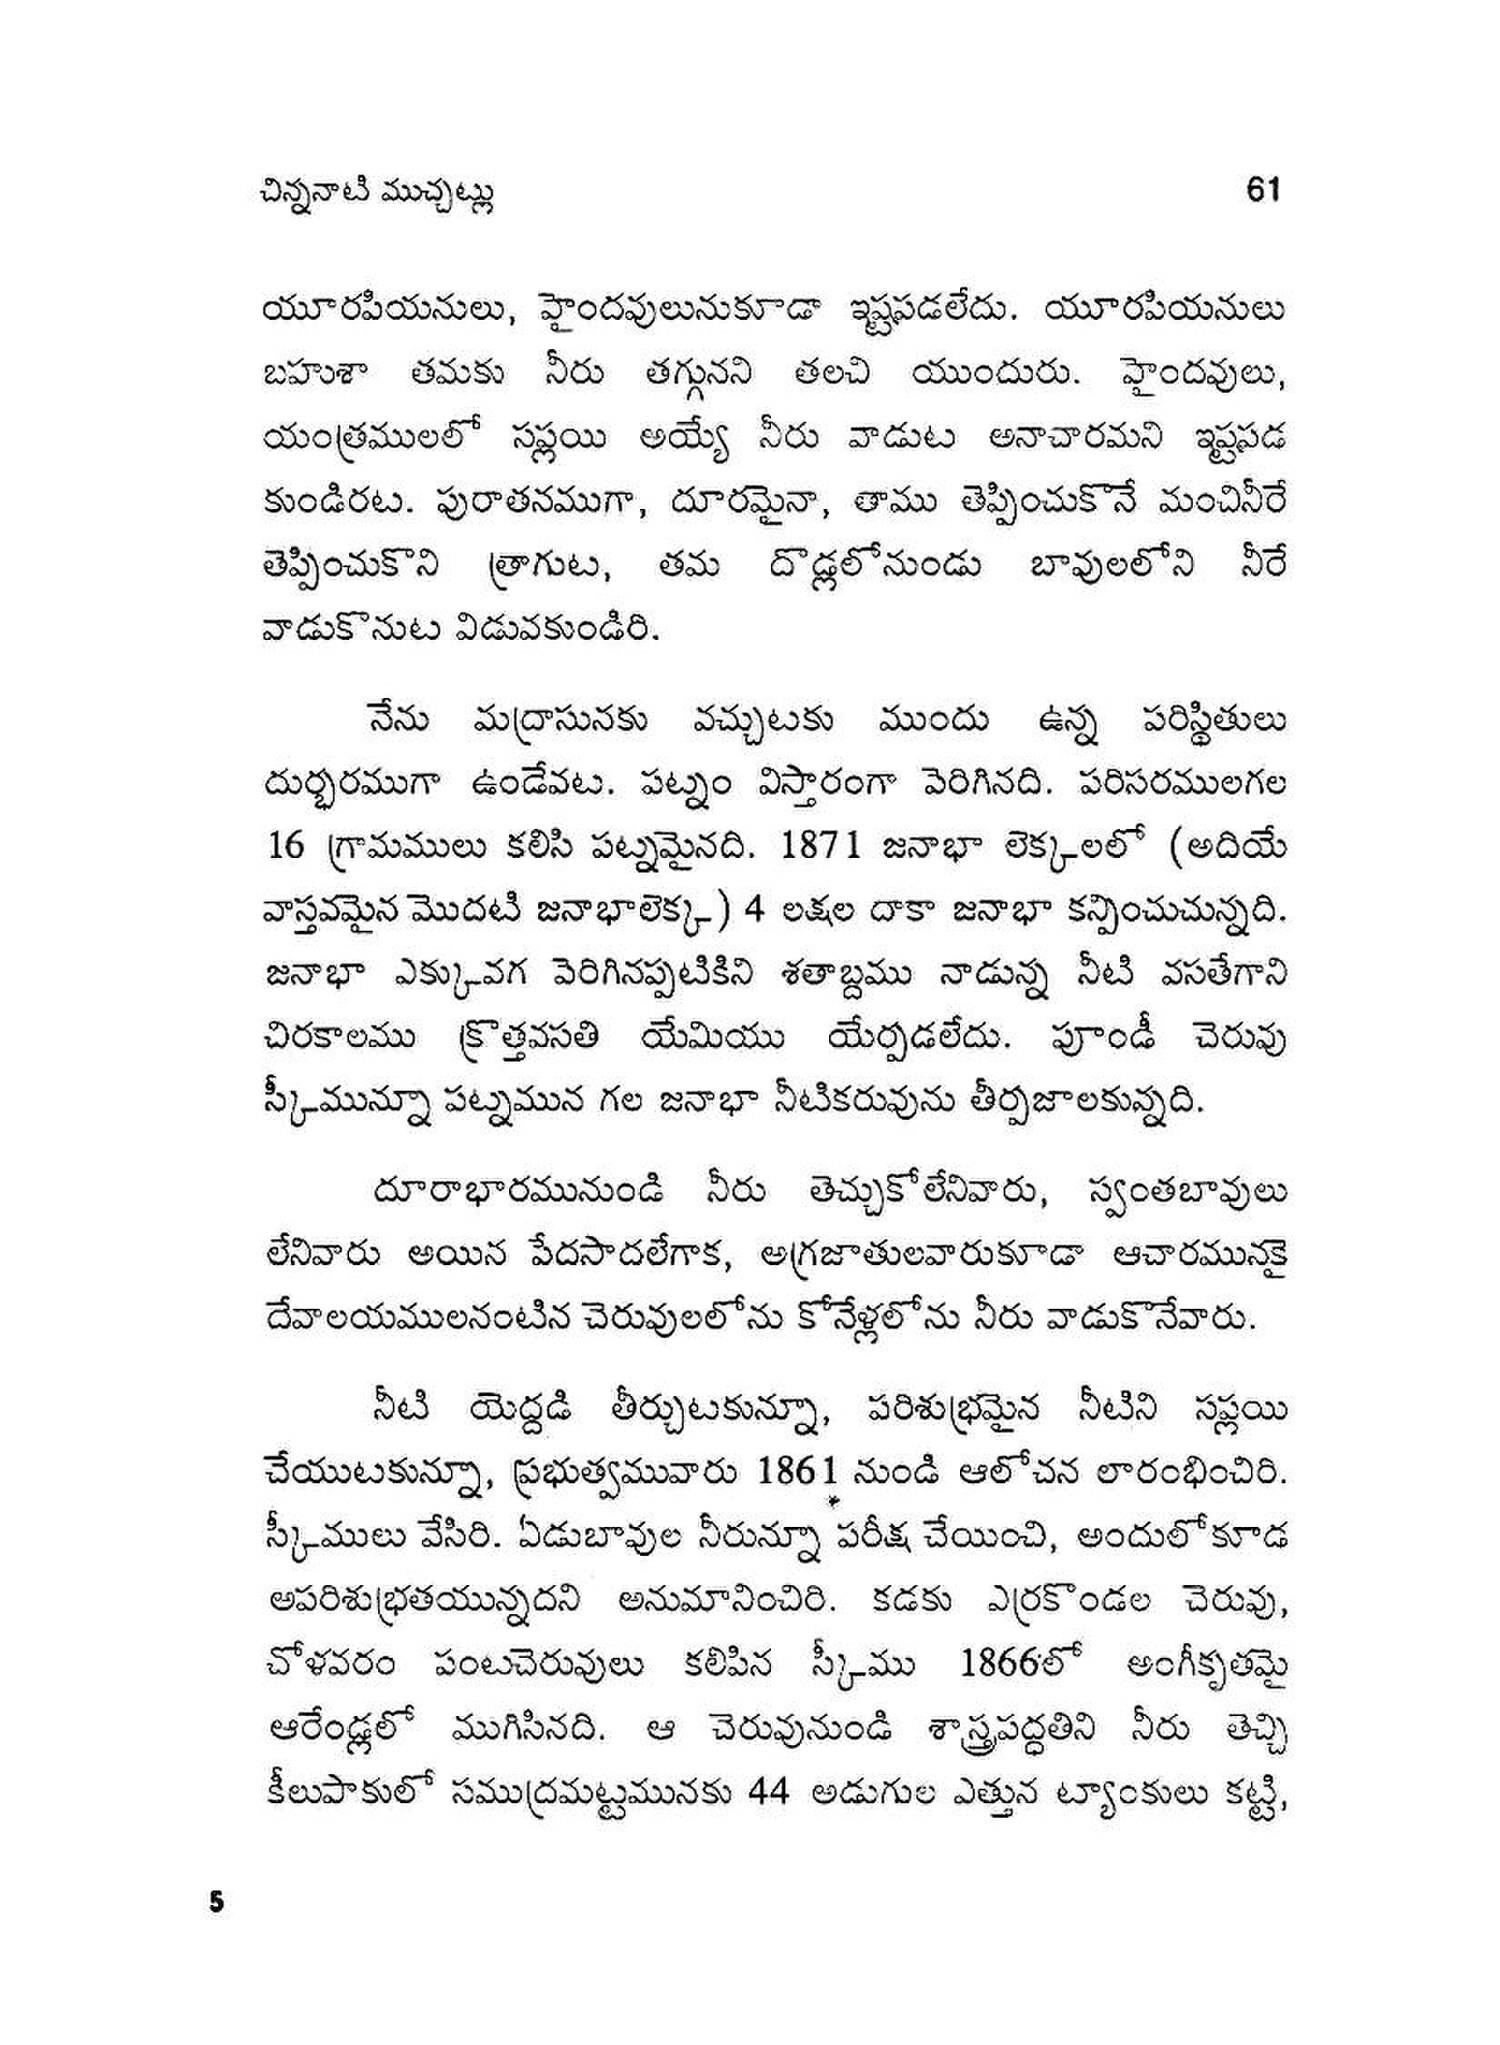యూరపియనులు, హైందవులునుకూడా ఇష్టపడలేదు. యూరపియనులు బహుశా తమకు నీరు తగ్గునని తలచి యుందురు. హైందవులు, యంత్రములలో సప్లయి అయ్యే నీరు వాడుట అనాచారమని ఇష్టపడ కుండిరట. పురాతనముగా, దూరమైనా, తాము తెప్పించుకొనే మంచినీరే తెప్పించుకొని త్రాగుట, తమ దొడ్లలోనుండు బావులలోని నీరే వాడుకొనుట విడువకుండిరి.

నేను మద్రాసునకు వచ్చుటకు ముందు ఉన్న పరిస్థితులు దుర్భరముగా ఉండేవట. పట్నం విస్తారంగా పెరిగినది. పరిసరములగల 16 గ్రామములు కలిసి పట్నమైనది. 1871 జనాభా లెక్కలలో (అదియే వాస్తవమైన మొదటి జనాభాలెక్క) 4 లక్షల దాకా జనాభా కన్పించుచున్నది. జనాభా ఎక్కువగ పెరిగినప్పటికిని శతాబ్దము నాడున్న నీటి వసతేగాని చిరకాలము క్రొత్తవసతి యేమియు యేర్పడలేదు. పూండీ చెరువు స్కీమున్నూ పట్నమున గల జనాభా నీటికరువును తీర్చజాలకున్నది.

దూరాభారమునుండి నీరు తెచ్చుకోలేనివారు, స్వంతబావులు లేనివారు అయిన పేదసాదలేగాక, అగ్రజాతులవారుకూడా ఆచారమునకై దేవాలయములనంటిన చెరువులలోను కోనేళ్లలోను నీరు వాడుకొనేవారు.

నీటి యొద్దడి తీర్చుటకున్నూ, పరిశుభ్రమైన నీటిని సప్లయి చేయుటకున్నూ, ప్రభుత్వమువారు 1861 నుండి ఆలోచన లారంభించిరి. స్కీములు వేసిరి. ఏడుబావుల నీరున్నూ పరీక్ష చేయించి, అందులో కూడ అపరిశుభ్రతయున్నదని అనుమానించిరి. కడకు ఎర్రకొండల చెరువు, చోళవరం పంటచెరువులు కలిపిన స్కీము 1866లో అంగీకృతమై ఆరేండ్లలో ముగిసినది. ఆ చెరువునుండి శాస్త్ర పద్దతిని నీరు తెచ్చి కీలుపాకులో సముద్రమట్టమునకు 44 అడుగుల ఎత్తున ట్యాంకులు కట్టి,